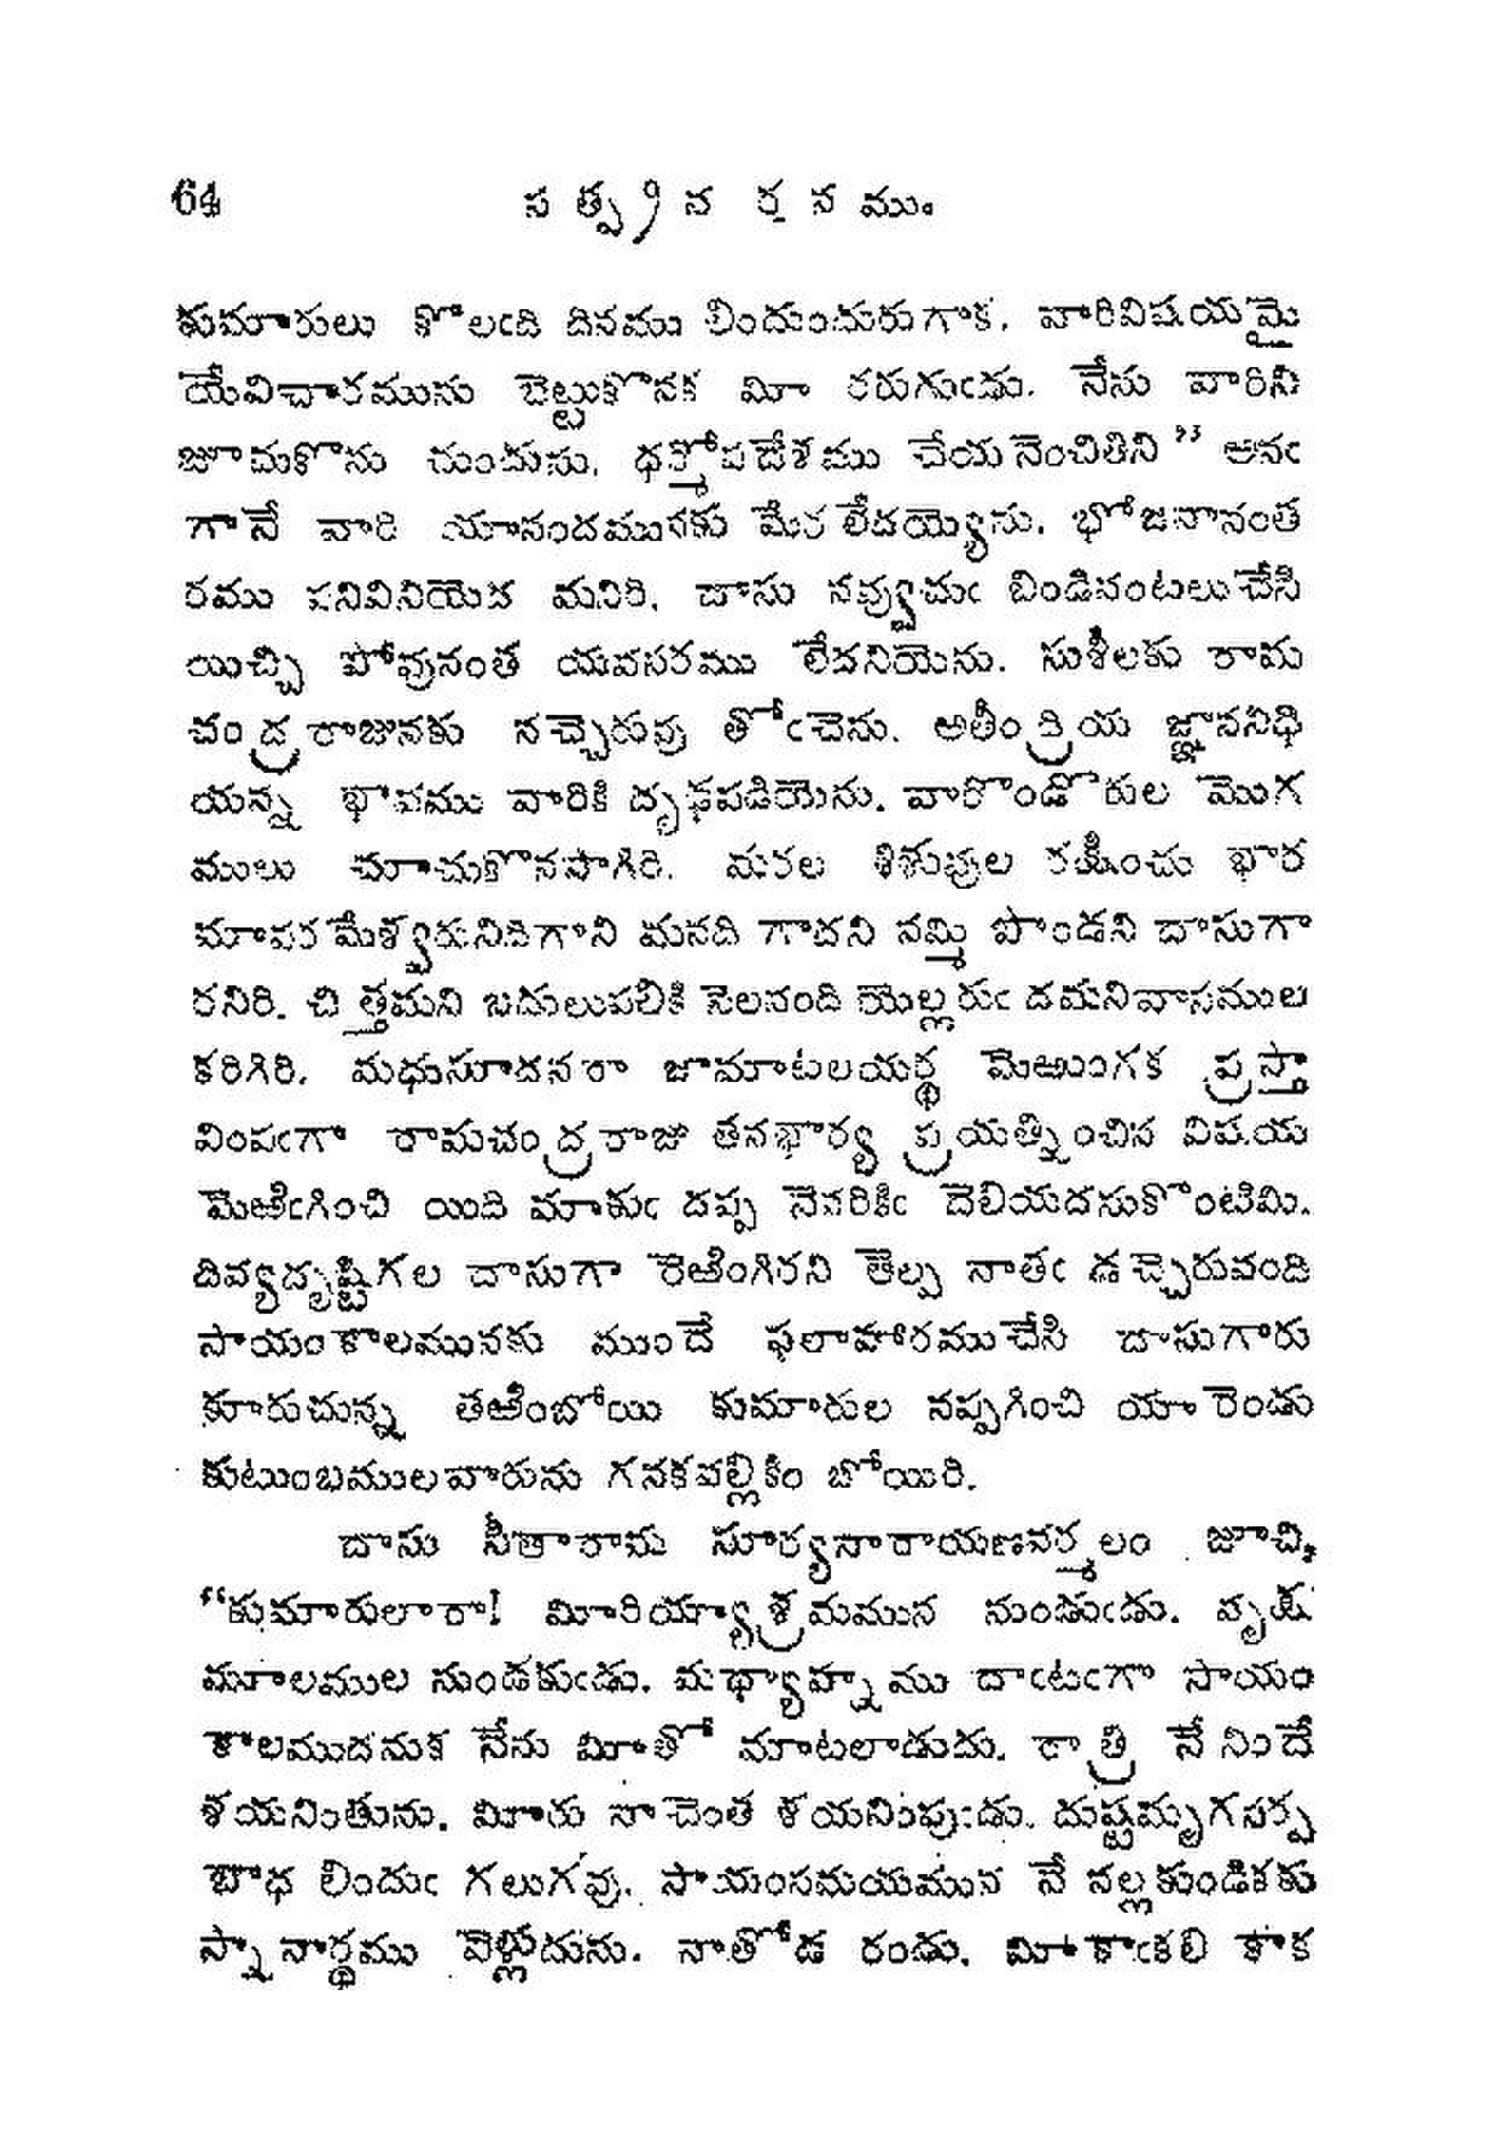కుమారులు కోలది దినము లిందుందురుగాక, వారి విషయమై 'యేవిచారమును బెట్టుకొనక మీ కరుగులడు. నేను వారిని జూచుకొను చుందును, ధర్మోపదేశము చేయనెంచితిని " అనం గానే వారి యానందమునకు 'మేరలేదయ్యెను. భోజనానంత రము పనివినియెద మనిరి, దాసు నవ్వుచుఁ బిండివంటలు చేసి యిచ్చి పోవునంత యవసరము లేదనియెను. సుశీలకు రామ చంద్ర రాజునకు నచ్చెరువు తోఁచెను. అతీంద్రియ జ్ఞాననిధి యన్న భావము వారికి దృడపడియెను. వారొండొరుల 'మొగ ములు చూచుకొన సాగిరి. మరల శిశువుల రక్షించు భార మావర మేశ్వరునివిగానీ మనది గాదని నమ్మి పొండని దాసుగారనిరి. చిత్తమని బదులు పలికి సెలనంది యెల్లరుఁ దమనివాసముల కరిగిరి. మధుసూదనరాజూమాటల యర్లమెఱుంగక ప్రస్తావింపఁగా రామచంద్ర రాజు తన భార్య ప్రయత్నించిన విషయ మెఱిరిగిరని యిది మాకుదప్ప నెవరికిఁ దెలియదనుకొంటిమి. దివ్యదృష్టిగల దాసుగారెఱింగిని తెల్ప నాతండచ్చెరువంది సాయం కాలమునకు ముందే ఫలాహారము చేసి దాసుగారు కూరుచున్నతంబోయి కుమారుల నప్పగించి యా రెండు కుటుంబముల వారును గనకవల్లికిం బోయిరీ.

దాసు సీతారాము సూర్యనారాయణవర్మలం . జూచి, “కుమారులారా! మీరియ్యాశ్రమమున నుండుఁడు. వృక్ష మూలముల నుండకుఁడు. మధ్యాహ్నము దాఁటంగా సాయంకాలము దనుక నేను మీతో మాటలాడుదు. రాత్రినేనిందే శయనింతును. మీరు నా చెంత శయనిపు:డు. దుష్టమృగసర్ప బాధ లిందుఁ గలుగవు, సాయంసమయముననే నల్లకుండినకు స్నానార్దము వెళ్లుదును. నాతోడ రండు, మీకాకలి కాక